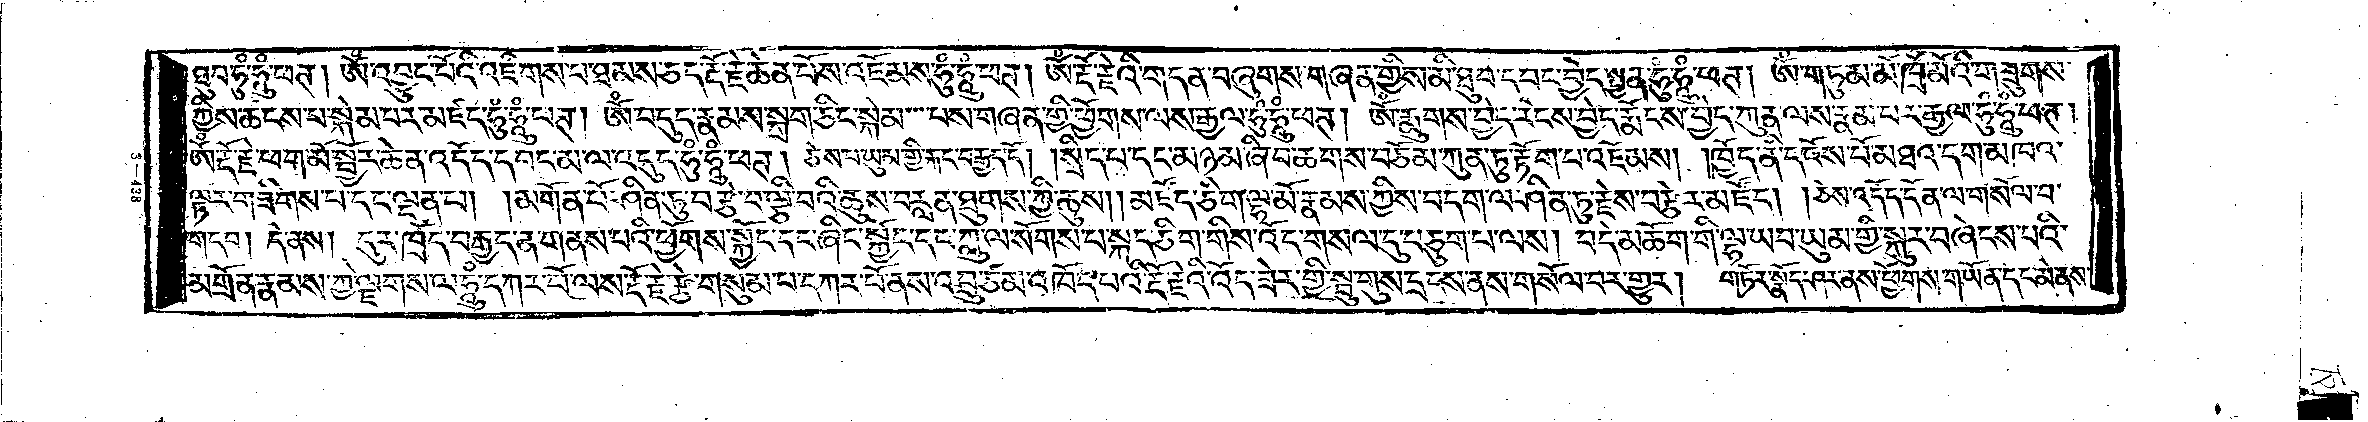ཐུབ་ཧུཾ་ཧཱུཾ་ཕཊ། ཨོཾ་འབྱུང་པོའི་འཇིགས་པ་ཐམས་ཅད་རྡོ་རྗེ་ཆེན་པོས་འཇོམས་ཧུཾ་ཧཱུཾ་ཕཊ། ཨོཾ་རྡོ་རྗེའི་གདན་བཞུགས་གཞན་གྱིས་མི་ཐུབ་དབང་བྱེད་སྤྱན་ཧུཾ་ཧཱུཾ་ཕཊ། ཨོཾ་གཏུམ་མོ་ཁྲོ་མོའི་གཟུགས་
ཀྱིས་ཆངས་པ་སྐེམ་པར་མཛད་ཧུཾ་ཧཱུཾ་ཕཊ། ཨོཾ་བདུད་རྣམས་སྐྲག་ཅིང་སྐེམ་པས་གཞན་གྱི་ཕྱོགས་ལས་རྒྱལ་ཧུཾ་ཧཱུཾ་ཕཊ། ཨོཾ་རྨུགས་བྱེད་རིངས་བྱེད་རྨོངས་བྱེད་ཀུན་ལས་རྣམ་པར་རྒྱལ་ཧུཾ་ཧཱུཾ་ཕཊ།
ཨོཾ་རྡོ་རྗེ་ཕག་མོ་སྦྱོར་ཆེན་འདོད་དབང་མ་ལ་འདུད་ཧུཾ་ཧཱུཾ་ཕཊ། ཅེས་པ་ཡུམ་གྱི་རྐང་བརྒྱད་དོ།  །སྲིད་པ་དང་མཉམ་ཞིབ་ཆགས་བཅོམ་ཀུན་ཏུ་རྟོག་པ་འཇོམས། །ཁྱོད་ནི་དངོས་པོ་མཐའ་དག་མཁའ་
སྟར་གཟིགས་པ་དང་ལྡན་པ། །མགོན་པོ་ཤིན་ཏུ་བརྩེ་བ་ལྕི་བའི་ཆུས་བརླན་ཐུགས་ཀྱི་ཆུས། །མཛོད་ཅིག་ལྷ་མོ་རྣམས་ཀྱིས་བདག་ལ་ཤིན་ཏུ་རྗེས་བརྩེར་མཛོད། །ཅེས་འདོད་དོན་ལ་གསོལ་བ་
གདབ། དེ་ནས། དུར་ཁྲོད་བརྒྱད་ན་གནས་པའི་ཕྱོགས་སྐྱོང་དང་ཞིང་སྐྱོང་དང་ཀླུ་ལ་སོགས་པ་སྐད་ཅིག་གིས་འོད་གསལ་དུ་བཅུག་པ་ལས། བདེ་མཆོག་གི་ལྷ་ཡབ་ཡུམ་གྱི་སྐུར་བཞེངས་པའི་
མགྲོན་རྣམས་ཀྱི་ལྗགས་ལ་ཧཱུཾ་དཀར་པོ་ལས་རྡོ་རྗེ་རྩེ་གསུམ་པ་དཀར་པོ་ནས་འབྲུ་ཙམ་འཁོད་པའི་རྡོ་རྗེའི་འོད་ཟེར་གྱི་སྦུ་གུས་དྲངས་ནས་གསོལ་བར་གྱུར། གཏོར་སྣོད་ཤར་ནས་ཕྱོགས་གཡོན་དང་མེ་ནས་